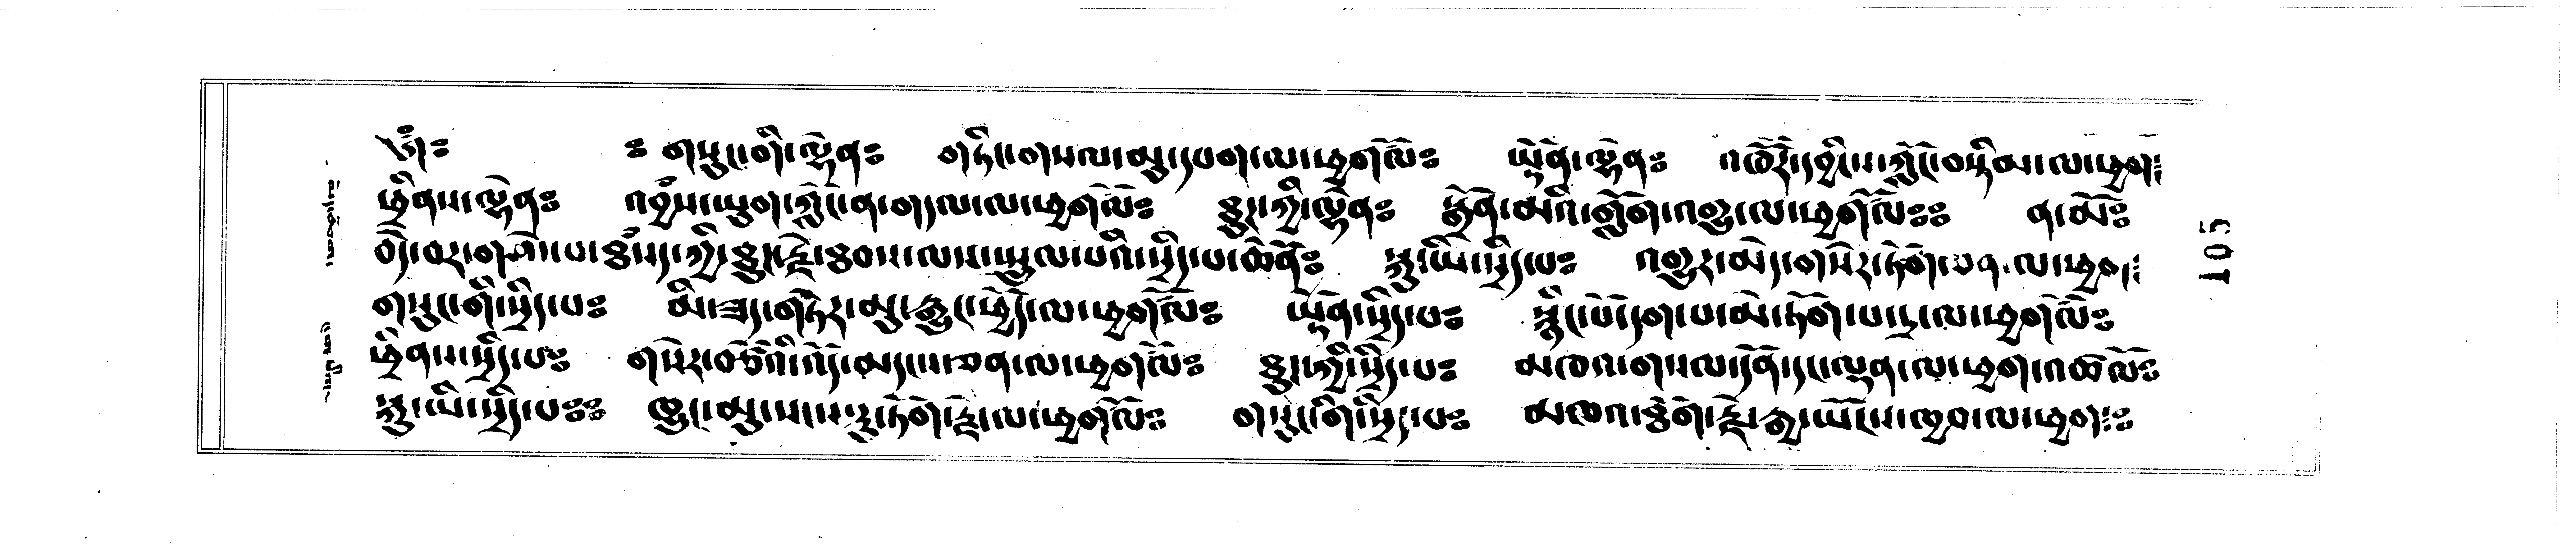གསུང་གི་ལྷ་ཆེནཿ གཏིང་གསལ་མུ་དཔག་ལ་ཕྱག་འཚལ་ལོཿ ཡོན་ཏན་གྱི་ལྷ་ཆེནཿ འཁོར་ལོ་དབྱིངས་ཀློང་བསྟིམ་ལ་ཕྱག་འཚལ་ལོཿ
ཕྲིན་ལས་ཀྱི་ལྷ་ཆེནཿ འབྱམས་ཡུག་ཀློང་ན་བདལ་ལ་ཕྱག་འཚལ་ལོཿ ཐུགས་ཀྱི་ལྷ་ཆེནཿ སྒྲོན་མའི་གློག་འགྱུ་ལ་ཕྱག་འཚལ་ལོཿ ན་མོ་
བདེ་བར་གཤེགས་པ་ཐམས་ཅད་ཀྱི་ཐུགས་རྗེ་ཐབས་ལས་སྤྲུལ་པའི་སྲིད་པ་ཆེན་པོཿ སྐུ་ཡི་སྲིད་པཿ འགྱུར་མེད་གསེར་ཏོག་ཅན་ལ་ཕྱག་འཚལ་ལོཿ 
གསུང་གི་སྲིད་པཿ མི་བཟད་གཏེར་མུ་རྒྱུང་ཕྱོད་ལ་ཕྱག་འཚལ་ལོཿ ཡོན་ཏན་གྱི་སྲིད་པཿ སྙིང་པོ་དག་མེ་ཏོག་པད་མ་ལ་ཕྱག་འཚལ་ལོཿ 
ཕྲིན་ལས་ཀྱི་སྲིད་པཿ གསེར་བཙོའི་འོད་མདངས་ཅན་ལ་ཕྱག་འཚལ་ལོཿ ཐུགས་ཀྱི་སྲིད་པཿ མཁའ་གསལ་དོན་དང་ལྡན་ལ་ཕྱག་འཚལ་ལོཿ 
སྐུ་ཡི་སྲིད་པཿ ཁྱུང་མུ་སངས་རུ་ཐོག་རྗེ་ལ་ཕྱག་འཚལ་ལོཿ གསུང་གི་སྲིད་པཿ མཁའ་ཐོག་རྗེ་རྒྱ་ཡོངས་ཁྱབ་ལ་ཕྱག་འཚལ་ལོཿ